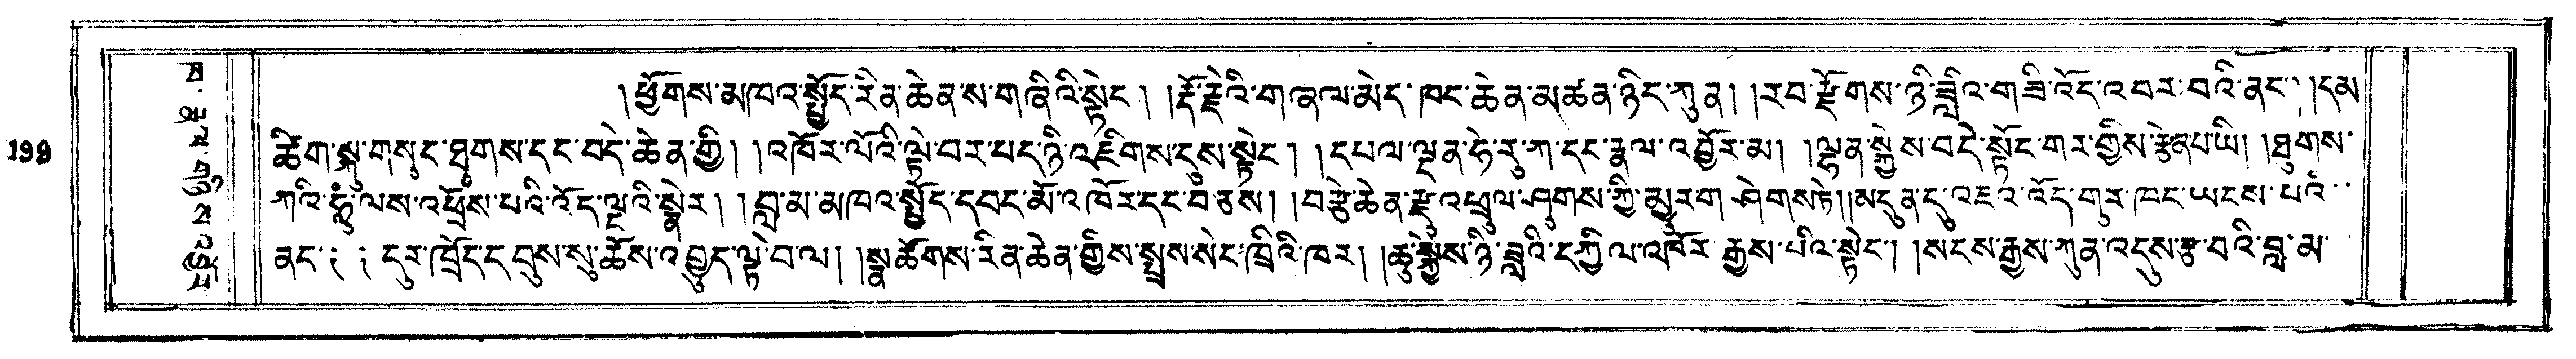༄༅། །ཕྱོགས་མཁའ་སྤྱོད་རིན་ཆེན་ས་གཞིའི་སྟེང་། །རྡོ་རྗེའི་གཞལ་མེད་ཁང་ཆེན་མཚན་ཉིད་ཀུན། །རབ་རྫོགས་ཉི་ཟླའི་གཟི་འོད་འབར་བའི་ནང་། །དམ་
ཚིག་སྐུ་གསུང་ཐུགས་དང་བདེ་ཆེན་གྱི། །འཁོར་ལོའི་ལྟེ་བར་པད་ཉི་འཇིགས་དུས་སྟེང་། །དཔལ་ལྡན་ཧེ་རུ་ཀ་དང་རྣལ་འབྱོར་མ། །ལྷན་སྐྱེས་བདེ་སྟོང་གར་གྱིས་རྩེན་པ་ཡི། །ཐུགས་
ཀའི་ཧཱུཾ་ལས་འཕྲོས་པའི་འོད་ལྔའི་སྣེར། །བླ་མ་མཁའ་སྤྱོད་དབང་མོ་འཁོར་དང་བཅས། །བརྩེ་ཆེན་རྫུ་འཕྲུལ་ཤུགས་ཀྱི་མྱུར་གཤེགས་ཏེ། །མདུན་དུ་འཇའ་འོད་གྲུ་ཁར་ཡངས་པའི་
ནང༑ ༑དུར་ཁྲོད་དབུས་སུ་ཆོས་འབྱུང་ལྟེ་བ་ལ། །སྣ་ཚོགས་རིན་ཆེན་གྱིས་སྤྲས་སེང་ཁྲིའི་ཁར། །ཆུ་སྐྱེས་ཉི་ཟླའི་དཀྱིལ་འཁོར་རྒྱས་པའི་སྟེང་། །སངས་རྒྱས་ཀུན་འདུས་རྩ་བའི་བླ་མ་